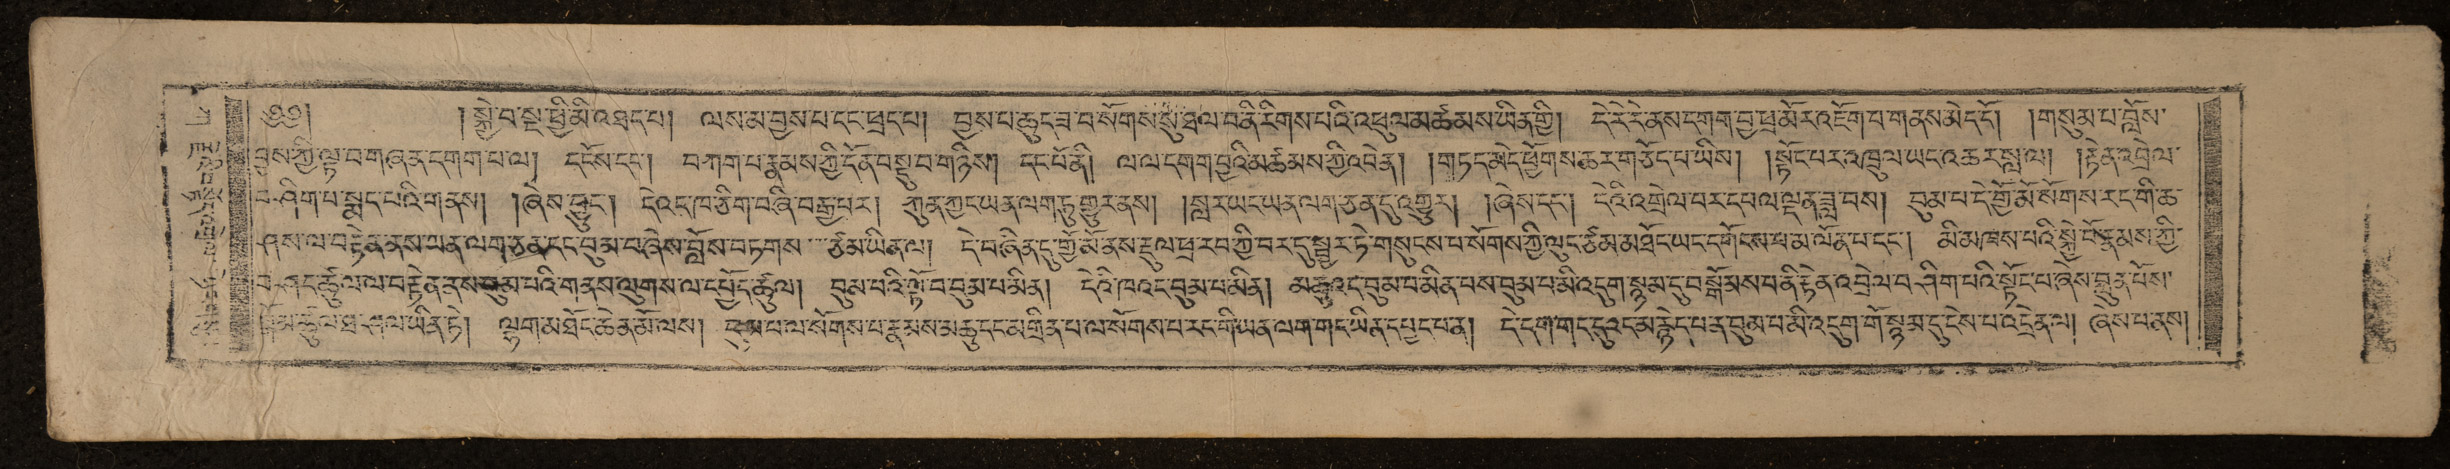༄༅། །སྐྱེ་བ་སྔ་ཕྱི་མི་འཐད་བ། ལེས་མ་བྱས་པ་དང་ཕྲད་བ། བྱས་པ་ཆུད་ཟ་བ་སོགས་སུ་ཐལ་བ་ནི་རིགས་བའི་ཕུལ་མཚམས་ཡིན་གྱི། དེ་རེ་རེ་ནས་དགག་བྱ་ཕྲ་མོར་འཇོག་པ་གནས་མེད་དོ། །གསུམ་བ་བློས་
བྱས་ཀྱི་ལྟ་བ་གཞན་དགག་བ་ལ། དངོས་དང་། བཀག་པ་རྣམས་གྱི་དོན་བསྡུ་བ་གཉིས། དང་པོ་ནི། ལ་ལ་དགག་བྱའི་མཚམས་ཀྱི་འབེན། །གཏད་མེད་ཕྱོགས་ཆར་གཅོད་པ་ཡིས། །སྟོང་པར་འཁྲུལ་ཡང་འཆར་སླ་ལ། །རྟེན་འབྲེལ་
བཤིག་པ་སྨད་པའི་གནས། །ཞེས་བྱུང་། དེའང་ཁ་ཅིག་བཞི་བརྒྱ་བར། ཀུན་ཀྱང་ཡན་ལག་ཏུ་གྱུར་ནས། །སླར་ཡང་ཡན་ལག་ཅན་དུ་འགྱུར། །ཞེས་དང་། དེའི་འགྲེལ་པར་དཔལ་ལྡན་ཟླ་བས། བུམ་པ་དེ་གྱོ་མོ་སོགས་རང་གི་ཆ་
ཤས་ལ་བརྟེན་ནས་ཡན་ལག་ཅན་དང་བུམ་པ་ཞེས་བློས་བཏགས་ལ་ཙམ་ཡིན་ལ། དེ་བཞིན་དུ་གྱོ་མོ་ནས་རྡུལ་ཕྲ་རབ་ཀྱི་བར་དུ་སྦྱར་ཏེ་གསུངས་པ་སོགས་ཀྱི་ལུང་ཙམ་མཐོང་ཡང་དགོངས་པ་མ་ལོན་པ་དང་། མི་མཁས་བའི་སྐྱོ་བོ་རྣམས་ཀྱི་
བཤད་ཚུལ་ལ་བརྟེན་ནས་བུམ་པའི་གནས་ལུགས་ལ་དཔྱོད་ཚུལ། བུམ་བའི་ལྟོ་བ་བུམ་པ་མིན། དེའི་ཁའང་བུམ་པ་མིན། མཆུའང་བུམ་པ་མིན་བས་བུམ་པ་མི་འདུག་སྙམ་དུ་བསྒོམས་བ་ནི་རྟེན་འབྲེལ་བཤིག་པའི་སྟོང་པ་ཞེས་བླུན་པོས་
སྒོམ་ཚུལ་ཐ་ཤལ་ཡིན་ཏེ། ལྷག་མཐོང་ཆེན་མོ་ལས། བུམ་པ་ལ་སོགས་པ་རྣམས་མཆུ་དང་མགྲིན་བ་ལ་སོགས་བ་རང་གི་ཡན་ལག་གང་ཡིན་དཔྱད་པ་ན། དེ་དག་གང་དུའང་མ་རྙེད་པ་ན་བུམ་པ་མི་འདུག་གོ་སྙམ་དུ་ངེས་པ་འདྲེན་ལ། ཞེས་པ་ནས།